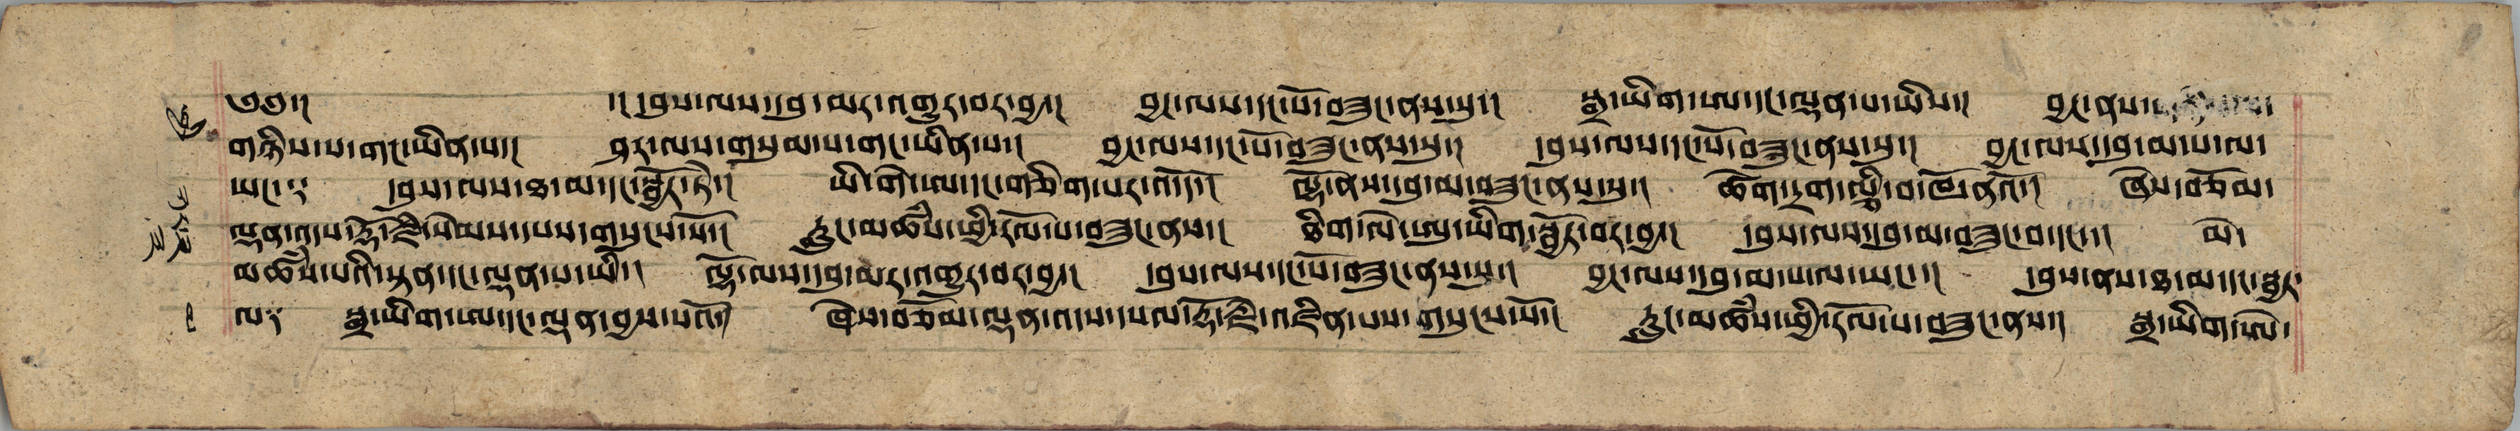༄༅་། ་།དབུས་ལས་དབུ་མར་འགྱུར་བར་བྱ་། བྱང་ལས་དང་པོ་བཟུང་ནས་སུ་། སྒྲ་ཡིག་ཨ་དང་ལྡན་པ་ཡིས་། བྱང་ནས་གཉིས་ལ་
གཉིས་པ་གང་ཡིན་པ་། ཤར་ལས་གསུམ་པ་གང་ཡིན་པ་། བྱང་ལས་དང་པོ་བཟུང་ནས་སུ་། དབུས་ལས་དང་པཽ་བཟུང་ནས་སུ་། བྱང་ལས་དབུ་མ་པ་ལ་
ཡང་༑ དབུས་ལས་ཐ་མ་དང་སྦྱོར་ཏེ་། ཡི་གེ་ཨ་དང་གཅིག་པར་འདོད་། ལྷོ་ནས་དབུ་མ་བཟུང་ནས་སུ་། ཚེག་དྲག་ལྕི་བ་ཁོ་ནའོ་། ཞེས་བཅོམ་
ལྡན་འདས་རྡོ་རྗེ་སེམས་དཔས་གསུངས་སོ་། རླུང་མཚཾས་ཕྱི་རོལ་པ་བཟུང་ནས་། ཐིག་ལེ་ཨུ་ཡིག་སྦྱོར་བར་བྱ་། དབུས་ལས་དབུ་མ་བཟུང་བ་དང་་། མེ་
མཚཾས་པའི་སྟན་དང་ལྡན་པ་ཡི་། ལྷོལས་དབུ་མར་འགྱུར་བར་བྱ་། དབུས་ལས་དང་པོ་བཟུང་ནས་སུ་། བྱང་ལས་དབུ་མ་པ་ལ་ཡང་་། དབུས་ནས་ཐ་མ་དང་སྦྱར་
ལ༑ སྒྲ་ཡིག་ཨ་དང་ལྡན་བྱས་པའོ་། ཞེས་བཅོམ་ལྡན་འདས་དཔལ་རྡོ་རྗེ་འཛིན་པས་གསུངས་སོ་། རླུང་མཚཾས་ཕྱི་རོལ་པ་བཟུང་ནས་། སྒྲ་ཡིག་ཨེ་